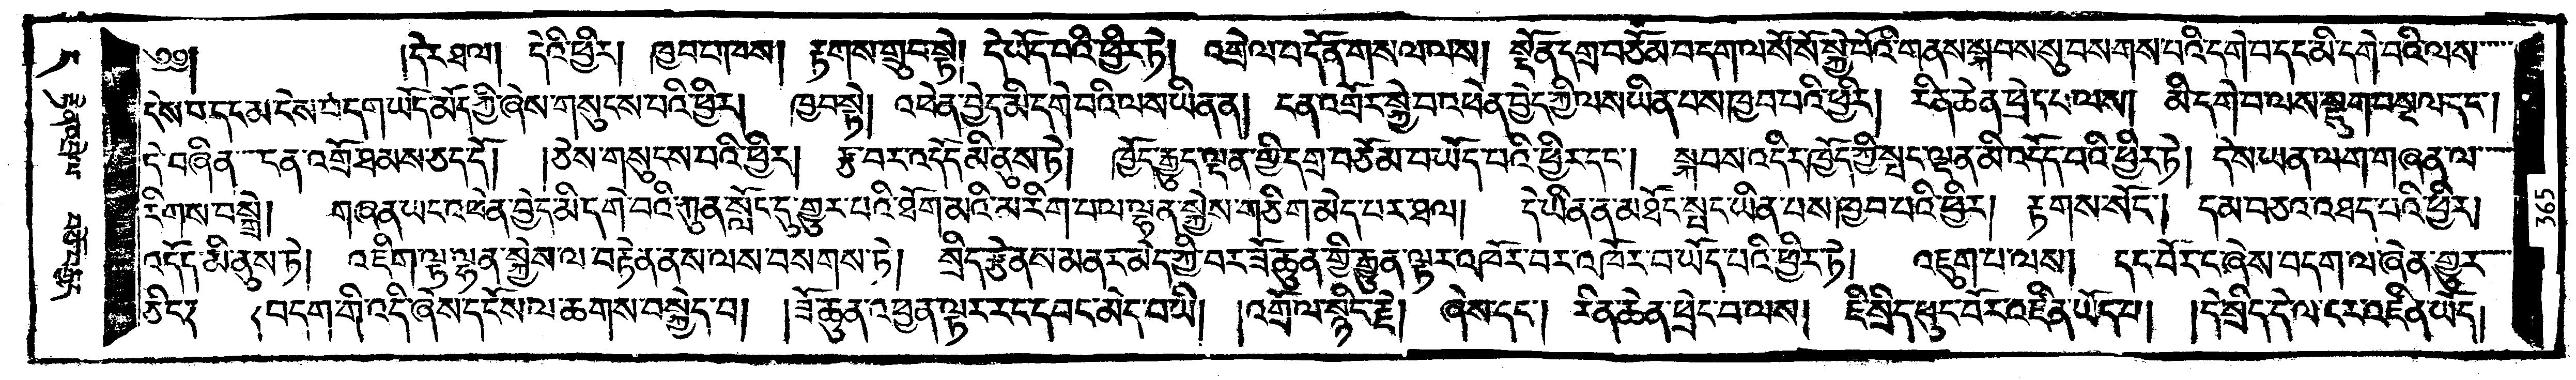༄༅། །དེར་ཐལ། དེའི་ཕྱིར། ཁྱབ་པ་ཁས། རྟགས་གྲུབ་སྟེ། དེ་ཡོད་པའི་ཕྱིར་ཏེ། འགྲེལ་བ་དོན་གསལ་ལས། སྔོན་དགྲ་བཅོམ་བདག་ལ་སོ་སོ་སྐྱེ་བོའི་གནས་སྐབས་སུ་བསགས་པའི་དགེ་བ་དང་མི་དགེ་བའི་ལས་
ངེས་པ་དང་མ་ངེས་བདག་ཡོད་མོད་ཀྱི་ཞེས་གསུངས་པའི་ཕྱིར། ཁྱབ་སྟེ། འཕེན་བྱེད་མི་དགེ་བའི་ལས་ཡིན་ན། ངན་འགྲོར་སྐྱེ་བ་འཕེན་བྱེད་ཀྱི་ལས་ཡིན་པས་ཁྱབ་པའི་ཕྱིར། རིན་ཆེན་ཕྲེང་བ་ལས། མི་དགེ་བ་ལས་སྡུག་བསྔལ་དང་།
དེ་བཞིན་ངན་འགྲོ་ཐམས་ཅད་དོ། །ཅེས་གསུངས་པའི་ཕྱིར། རྩ་བར་འདོད་མི་ནུས་ཏེ། ཁྱོད་རྒྱུད་ལྡན་གྱི་དགྲ་བཅོམ་པ་ཡོད་པའི་ཕྱིར་དང་། སྐབས་འདིར་ཁྱོད་ཀྱི་སྤང་ལྡན་མི་འདོད་པའི་ཕྱིར་ཏེ། དེས་ཡན་ལག་གཞན་ལ་
རིགས་བསྒྲེ། གཞན་ཡང་འཕེན་བྱེད་མི་དགེ་བའི་ཀུན་སློང་དུ་གྱུར་པའི་ཐོག་མའི་མ་རིག་པ་ལ་ལྷན་སྐྱེས་གཅིག་མེད་པར་ཐལ། དེ་ཡིན་ན་མཐོང་སྤང་ཡིན་པས་ཁྱབ་པའི་ཕྱིར། རྟགས་སོང་། དམ་བཅའ་འཐད་པའི་ཕྱིར།
འདོད་མི་ནུས་ཏེ། འཇིག་ལྟ་ལྷན་སྐྱེས་ལ་བརྟེན་ནས་ལས་བསགས་ཏེ། སྲིད་རྩེ་ནས་མནར་མེད་ཀྱི་བར་ཟོ་ཆུན་གྱི་རྒྱུན་ལྟར་འཁོར་བར་འཁོར་བ་ཡོད་པའི་ཕྱིར་ཏེ། འཇུག་པ་ལས། དང་པོར་ང་ཞེས་བདག་ལ་ཞེན་གྱུར་
ཅིང༑ ༑བདག་གི་འདི་ཞེས་དངོས་ལ་ཆགས་བསྐྱེད་པ། །ཟོ་ཆུན་འཕྱན་ལྟར་རང་དབང་མེད་པ་ཡི། །འགྲོ་ལ་སྙིང་རྗེ། ཞེས་དང་། རིན་ཆེན་ཕྲེང་བ་ལས། ཇི་སྲིད་ཕུང་པོར་འཛིན་ཡོད་པ། །དེ་སྲིད་དེ་ལ་ངར་འཛིན་ཡོད།